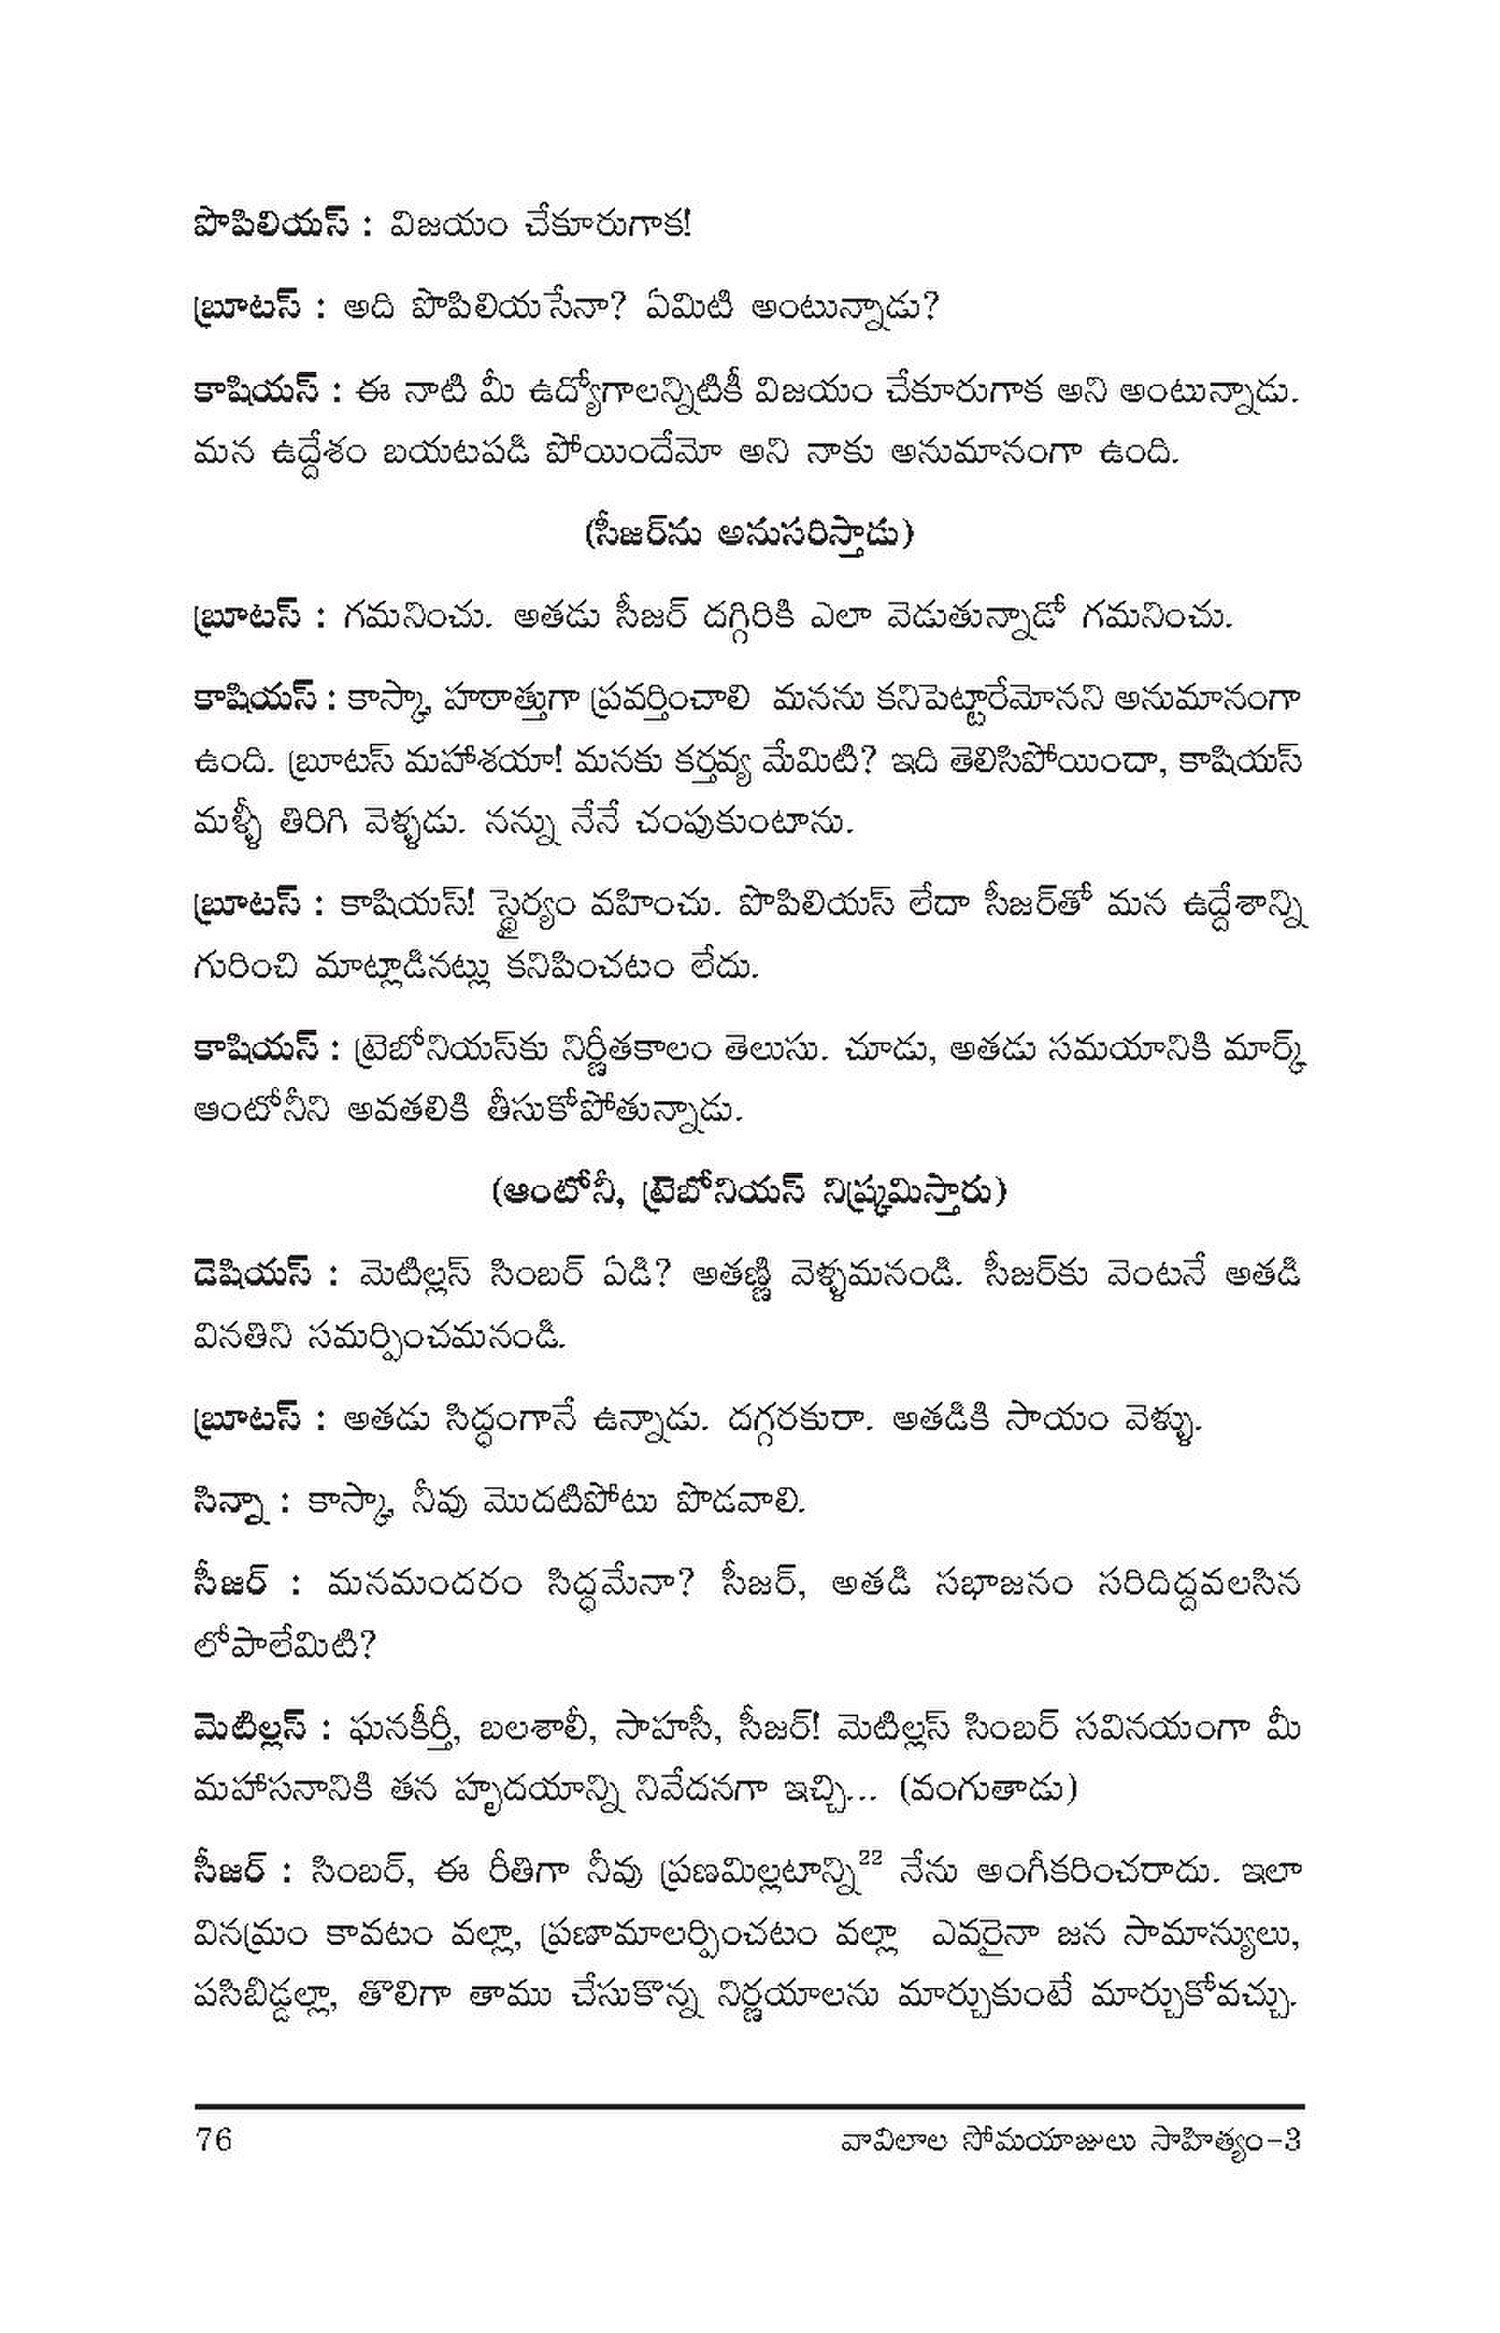పొపిలియస్ : విజయం చేకూరుగాక!

బ్రూటస్ : అది పొపిలియసేనా? ఏమిటి అంటున్నాడు?

కాషియస్ : ఈ నాటి మీ ఉద్యోగాలన్నిటికీ విజయం చేకూరుగాక అని అంటున్నాడు. మన ఉద్దేశం బయటపడి పోయిందేమో అని నాకు అనుమానంగా ఉంది.

బ్రూటస్ : గమనించు. అతడు సీజర్ దగ్గిరికి ఎలా వెడుతున్నాడో గమనించు.

కాషియస్ : కాస్కా, హఠాత్తుగా ప్రవర్తించాలి మనను కనిపెట్టారేమోనని అనుమానంగా ఉంది. బ్రూటస్ మహాశయా! మనకు కర్తవ్య మేమిటి? ఇది తెలిసిపోయిందా, కాషియస్ మళ్ళీ తిరిగి వెళ్ళడు. నన్ను నేనే చంపుకుంటాను.

బ్రూటస్ : కాషియస్! స్థైర్యం వహించు. పొపిలియస్ లేదా సీజర్ తొ మన ఉద్దేశాన్ని గురించి మాట్లాడినట్లు కనిపించటం లేదు.

కాషియస్ : ట్రెబోనియస్ కు నిర్ణీతకాలం తెలుసు. చూడు, అతడు సమయానికి మార్క్ ఆంటోనీని అవతలికి తీసుకోపోతున్నాడు.

డెషియస్ : మెటిల్లస్ సింబర్ ఏడి? అతణ్ణి వెళ్ళమనండి. సీజర్ కు వెంటనే అతడి వినతిని సమర్పించమనండి.

బ్రూటస్ : అతడు సిద్ధంగానే ఉన్నాడు. దగ్గరకురా. అతడికి సాయం వెళ్ళు.

సిన్నా : కాస్కా, నీవు మొదటిపోటు పొడవాలి.

సీజర్ : మనమందరం సిద్దమేనా? సీజర్, అతడి సభాజనం సరిదిద్దవలసిన లోపాలేమిటి?

మెటిల్లస్ : ఘనకీర్తీ, బలశాలీ, సాహసీ, సీజర్! మెటిల్లస్ సింబర్ సవినయంగా మీ మహాసనానికి తన హృదయాన్ని నివేదనగా ఇచ్చి... (వంగుతాడు)

సీజర్ : సింబర్, ఈ రీతిగా నీవు ప్రణమిల్లటాన్ని22 నేను అంగీకరించరాదు. ఇలా వినమ్రం కావటం వల్లా, ప్రణామాలర్పించటం వల్లా ఎవరైనా జన సామాన్యులు, పసిబిడ్డల్లా, తొలిగా తాము చేసుకొన్న నిర్ణయాలను మార్చుకుంటే మార్చుకోవచ్చు.